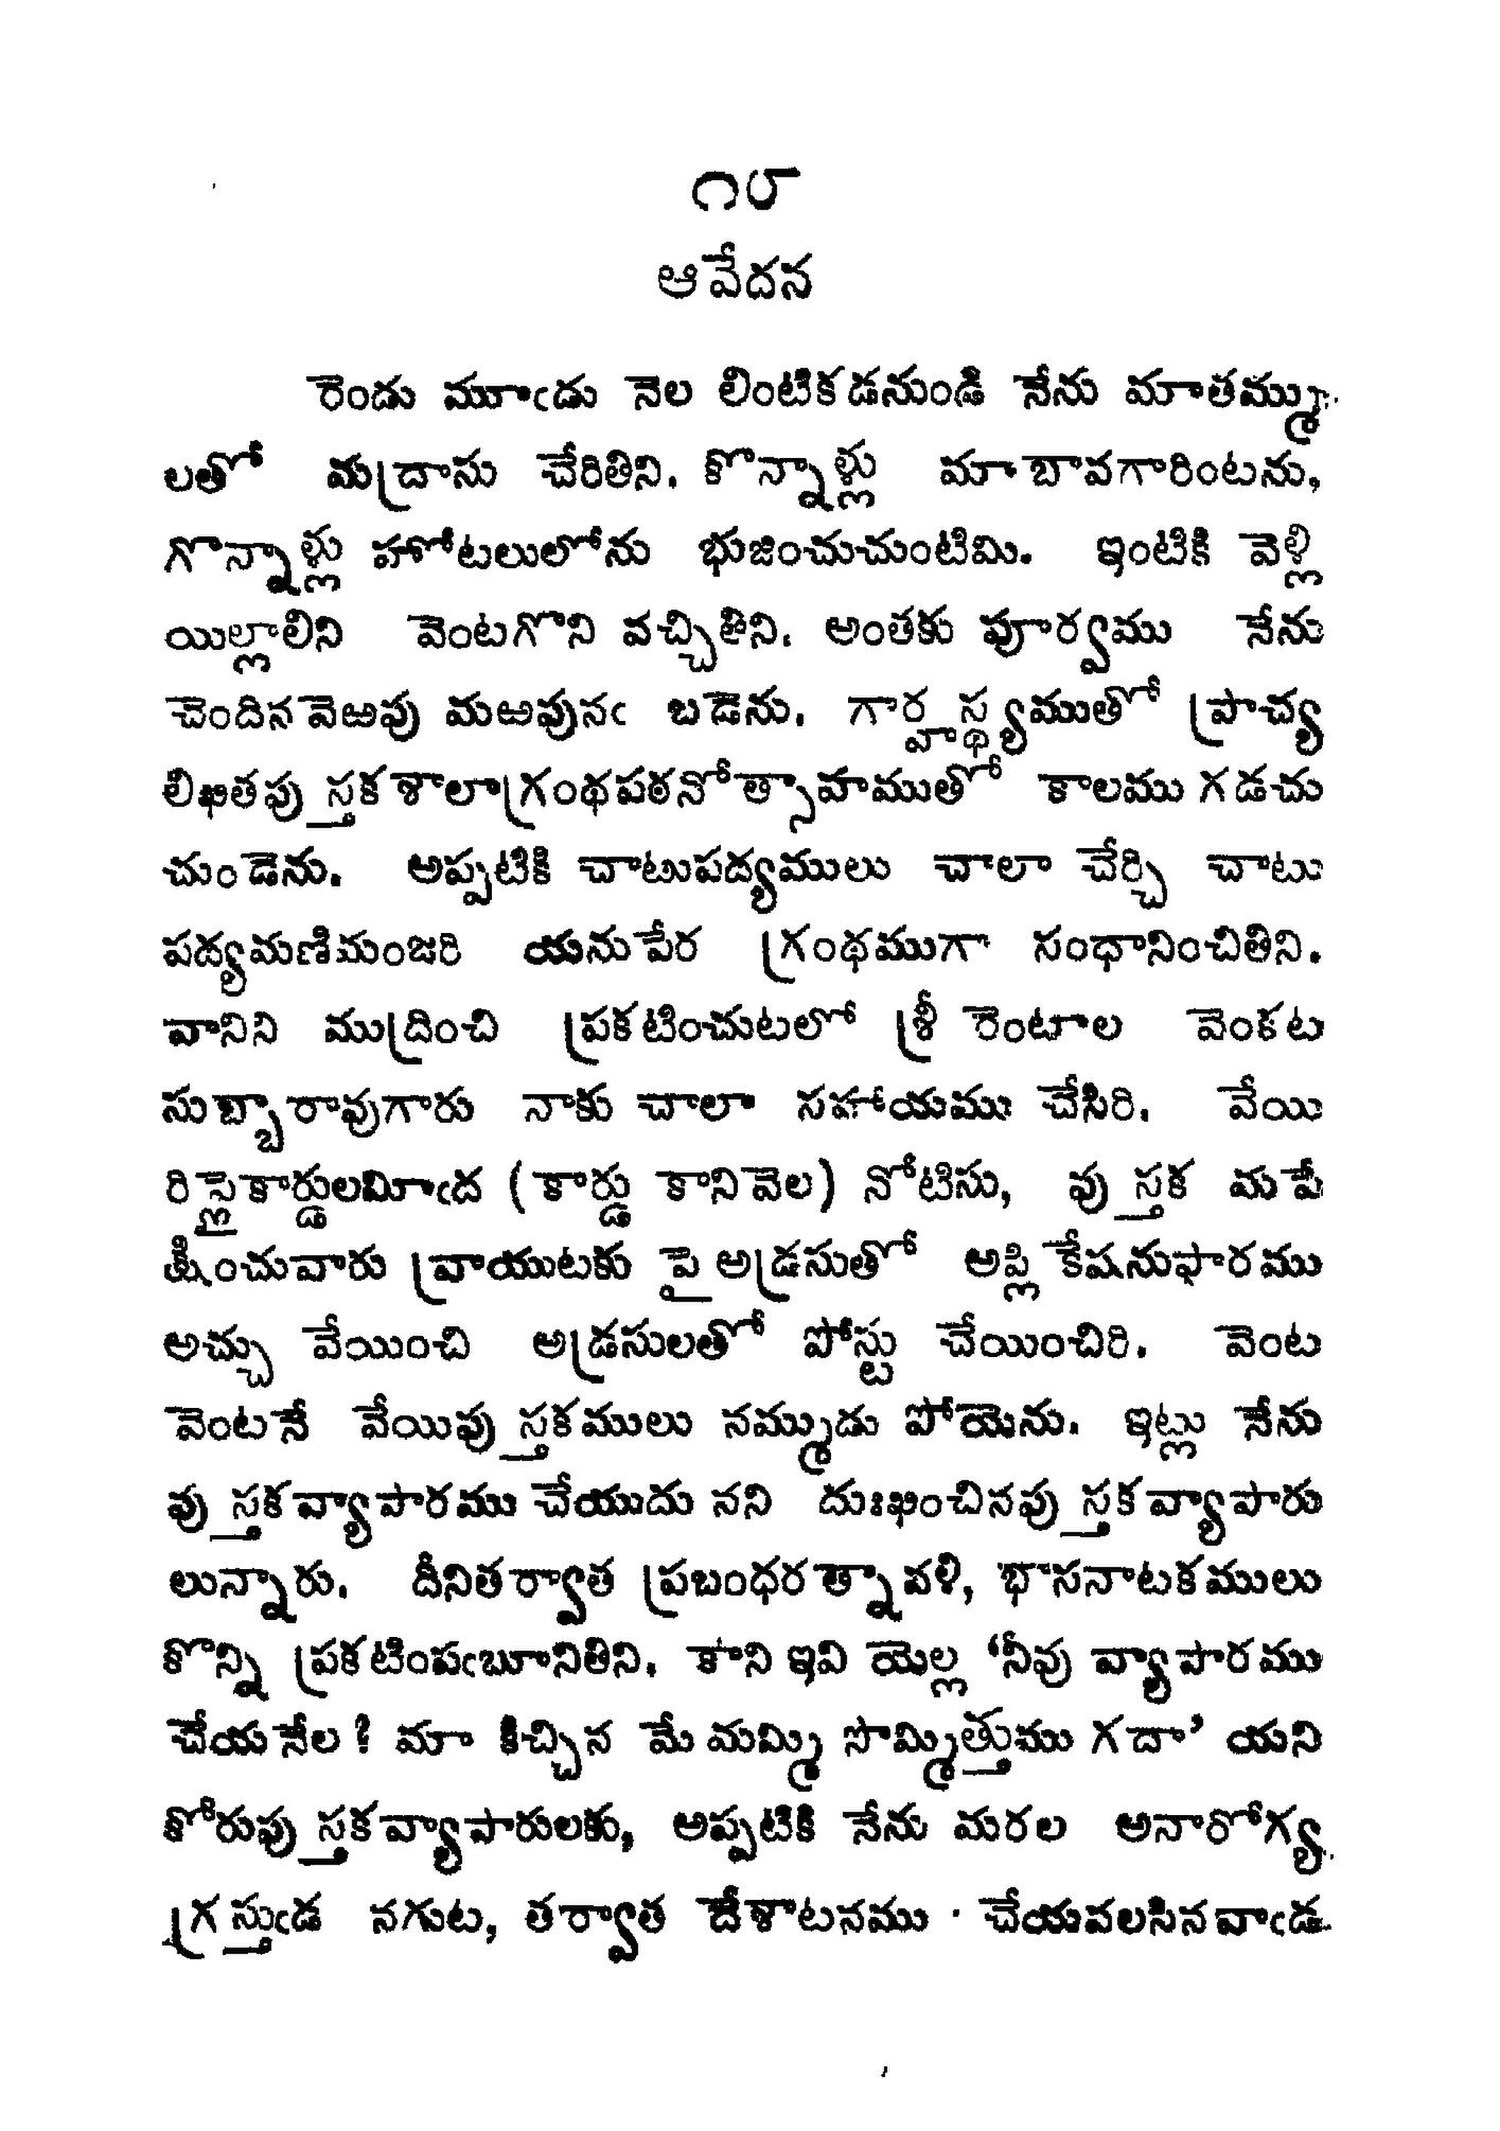రెండు మూఁడు నెల లింటికడ నుండి నేను మాతమ్ములతో మద్రాసు చేరితిని. కొన్నాళ్ళు మా బావగారింటను, గొన్నాళ్ళు హోటలులోను భుజించుచుంటిమి. ఇంటికి వెళ్లి ఇల్లాలిని వెంటగొని వచ్చితిని. అంతకు పూర్వము నేను చెందిన వెఱపు మఱపునఁ బడెను. గార్హస్ధ్యముతో ప్రాచ్య లిఖితపుస్తకశాలగ్రంధపఠనీత్సాహముతో కాలము గడచుచుండెను. అప్పటికి చాటుపద్యములు చాలా చేర్చి "చాటు పద్యమణిమంజరి" యని పేర గ్రంధముగా సంధానింతిని. వానిని ముద్రించి ప్రకటించుటలో శ్రీ రెంటాల వెంకట సుబ్బారావు గారు నాకు చాలా సహాయము చేసిరి. వేయి రిప్లై కార్డుల మిఁ ద (కార్డు కాని వెల) నోటీసు, పుస్తక మాపేక్షించువారు వ్రాయుటకు పై అడ్రసులో పోస్టు చేయించిరి. వెంట వెంటనే వేయి పుస్తకములు నమ్ముడు పోయెను. ఇట్లు నేను పుస్తక వ్యాపారము చేయుదు నని దుఃఖించిన పుస్తక వ్యాపారు లున్నారు. దీని తర్వాత, ప్రబంధరత్నావళి, భాస నాటకములు, కొన్ని ప్రకటింపఁ బూనితిని. కానీ ఇవియెల్ల ' నీవు వ్యాపారము చేయాలనే? మా కిచ్చిన మే మమ్మి సోమ్మిత్తుము గదా' యని కోరు పుస్తక వ్యాపారులకు, అప్పటికి నేను మరల అనారోగ్యగ్రస్తుఁడ నగుట, తర్వాత దేశాటనము చేయవలసినవాఁడ